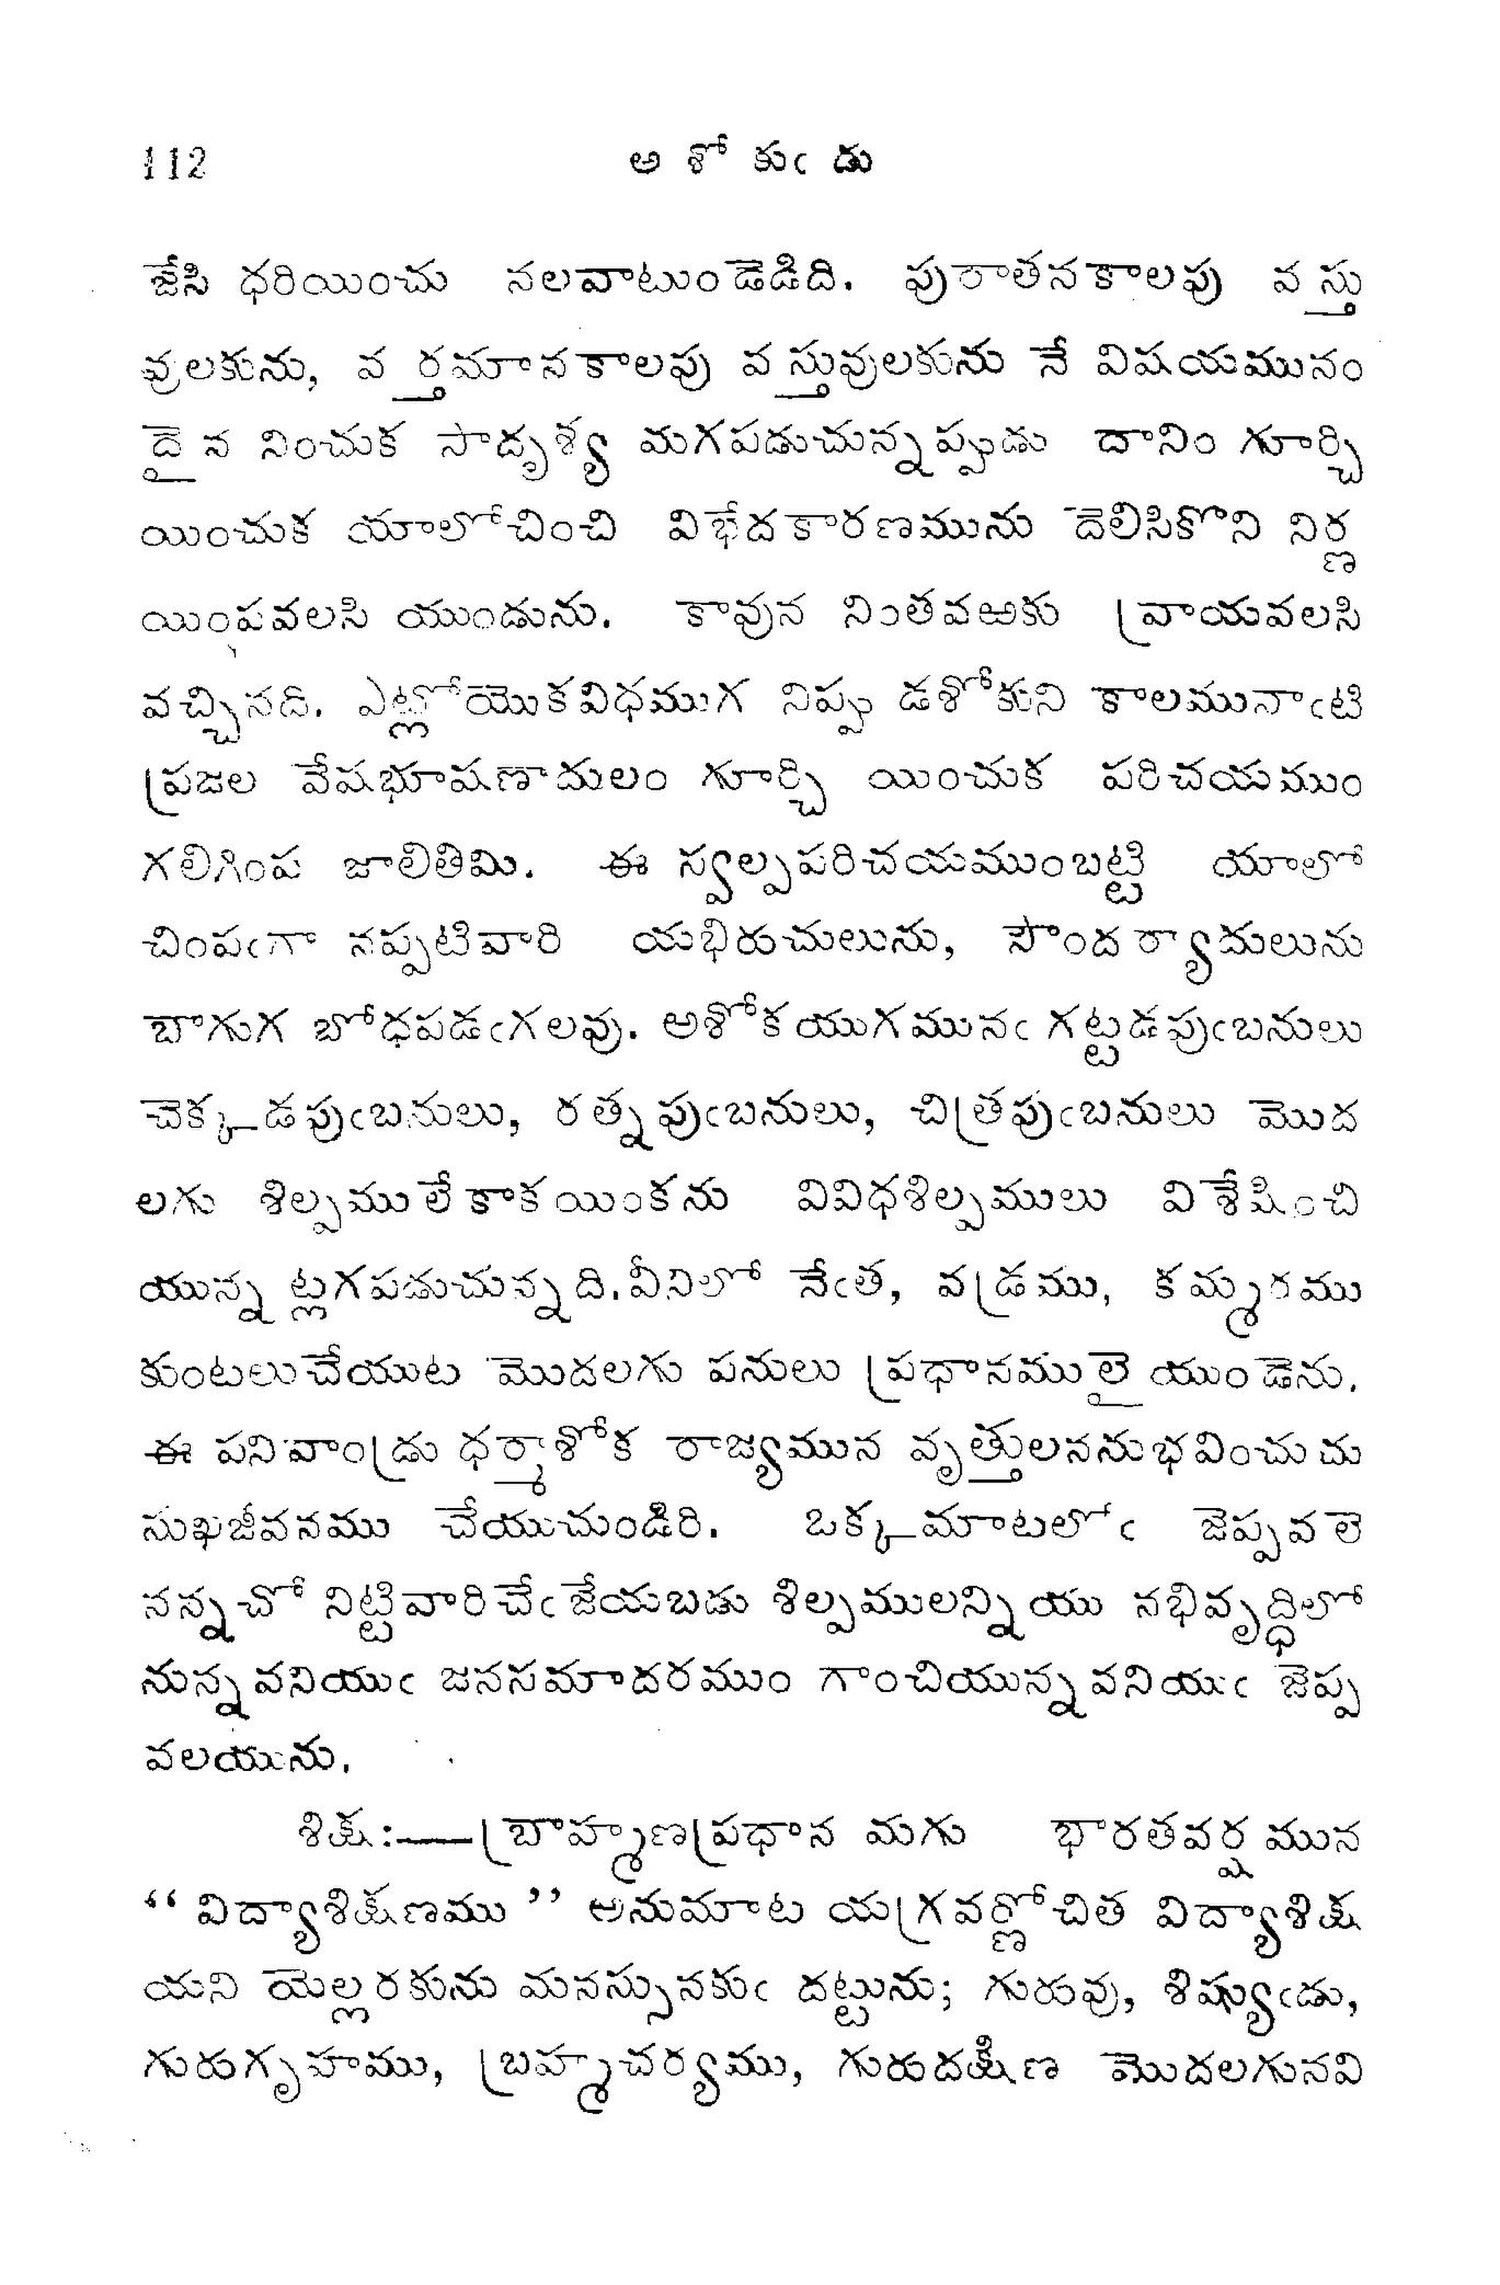జేసి ధరియించు నలవాటుండెడిది. పురాతన కాలపు వస్తువులకును, వర్తమాన కాలపు వస్తువులకును నే విషయమునందైన నించుక సాదృశ్య మగపడుచున్నప్పుడు దానిం గూర్చి
యించుక యాలోచించి విభేదకారణమును దెలిసికొని నిర్లయింపవలసి యుండును. కావున నింతవఱకు వ్రాయవలసి వచ్చినది. ఎట్లో యొక విధముగ నిప్పు డశోకుని కాలమునాఁటి
ప్రజల వేషభూషణాదులం గూర్చి యించుక పరిచయముం గలిగింప జాలితిమి. ఈ స్వల్పపరిచయముంబట్టి యాలోచింపఁగా నప్పటివారి యభిరుచులును, సౌందర్యాదులును
బాగుగ బోధపడఁగలవు. అశోక యుగమునఁ గట్టడపుఁబనులు చెక్కడ పుఁబనులు, రత్నపుఁబనులు, చిత్రపుఁబనులు మొదలగు శిల్పము లే కాక యింకను వివిధశిల్పములు విశేషించి యున్న ట్లగపడుచున్నది. వీనిలో నేఁత, వడ్రము, కమ్మరము కుంటలు చేయుట మొదలగు పనులు ప్రధానము లై యుండెను. ఈ పని వాండ్రు ధర్మాశోక రాజ్యమున వృత్తులననుభవించుచు సుఖజీవనము చేయుచుండిరి. ఒక్కమాటలోఁ జెప్పవలె నన్నచో నిట్టి వారిచేఁ జేయబడు శిల్పములన్నియు నభివృద్ధిలో నున్నవనియుఁ జనసమాదరముం గాంచియున్న వనియుఁ జెప్ప వలయును.

శిక్ష:-- బ్రాహ్మణ ప్రధాన మగు భారతవర్షమున “ విద్యాశిక్షణము " అనుమాట యగ్రవర్లోచిత విద్యాశిక్ష యని యెల్లరకును మనస్సునకుఁ దట్టును; గురువు, శిష్యుఁడు, గురుగృహము, బ్రహ్మచర్యము, గురుదక్షిణ మొదలగునవి